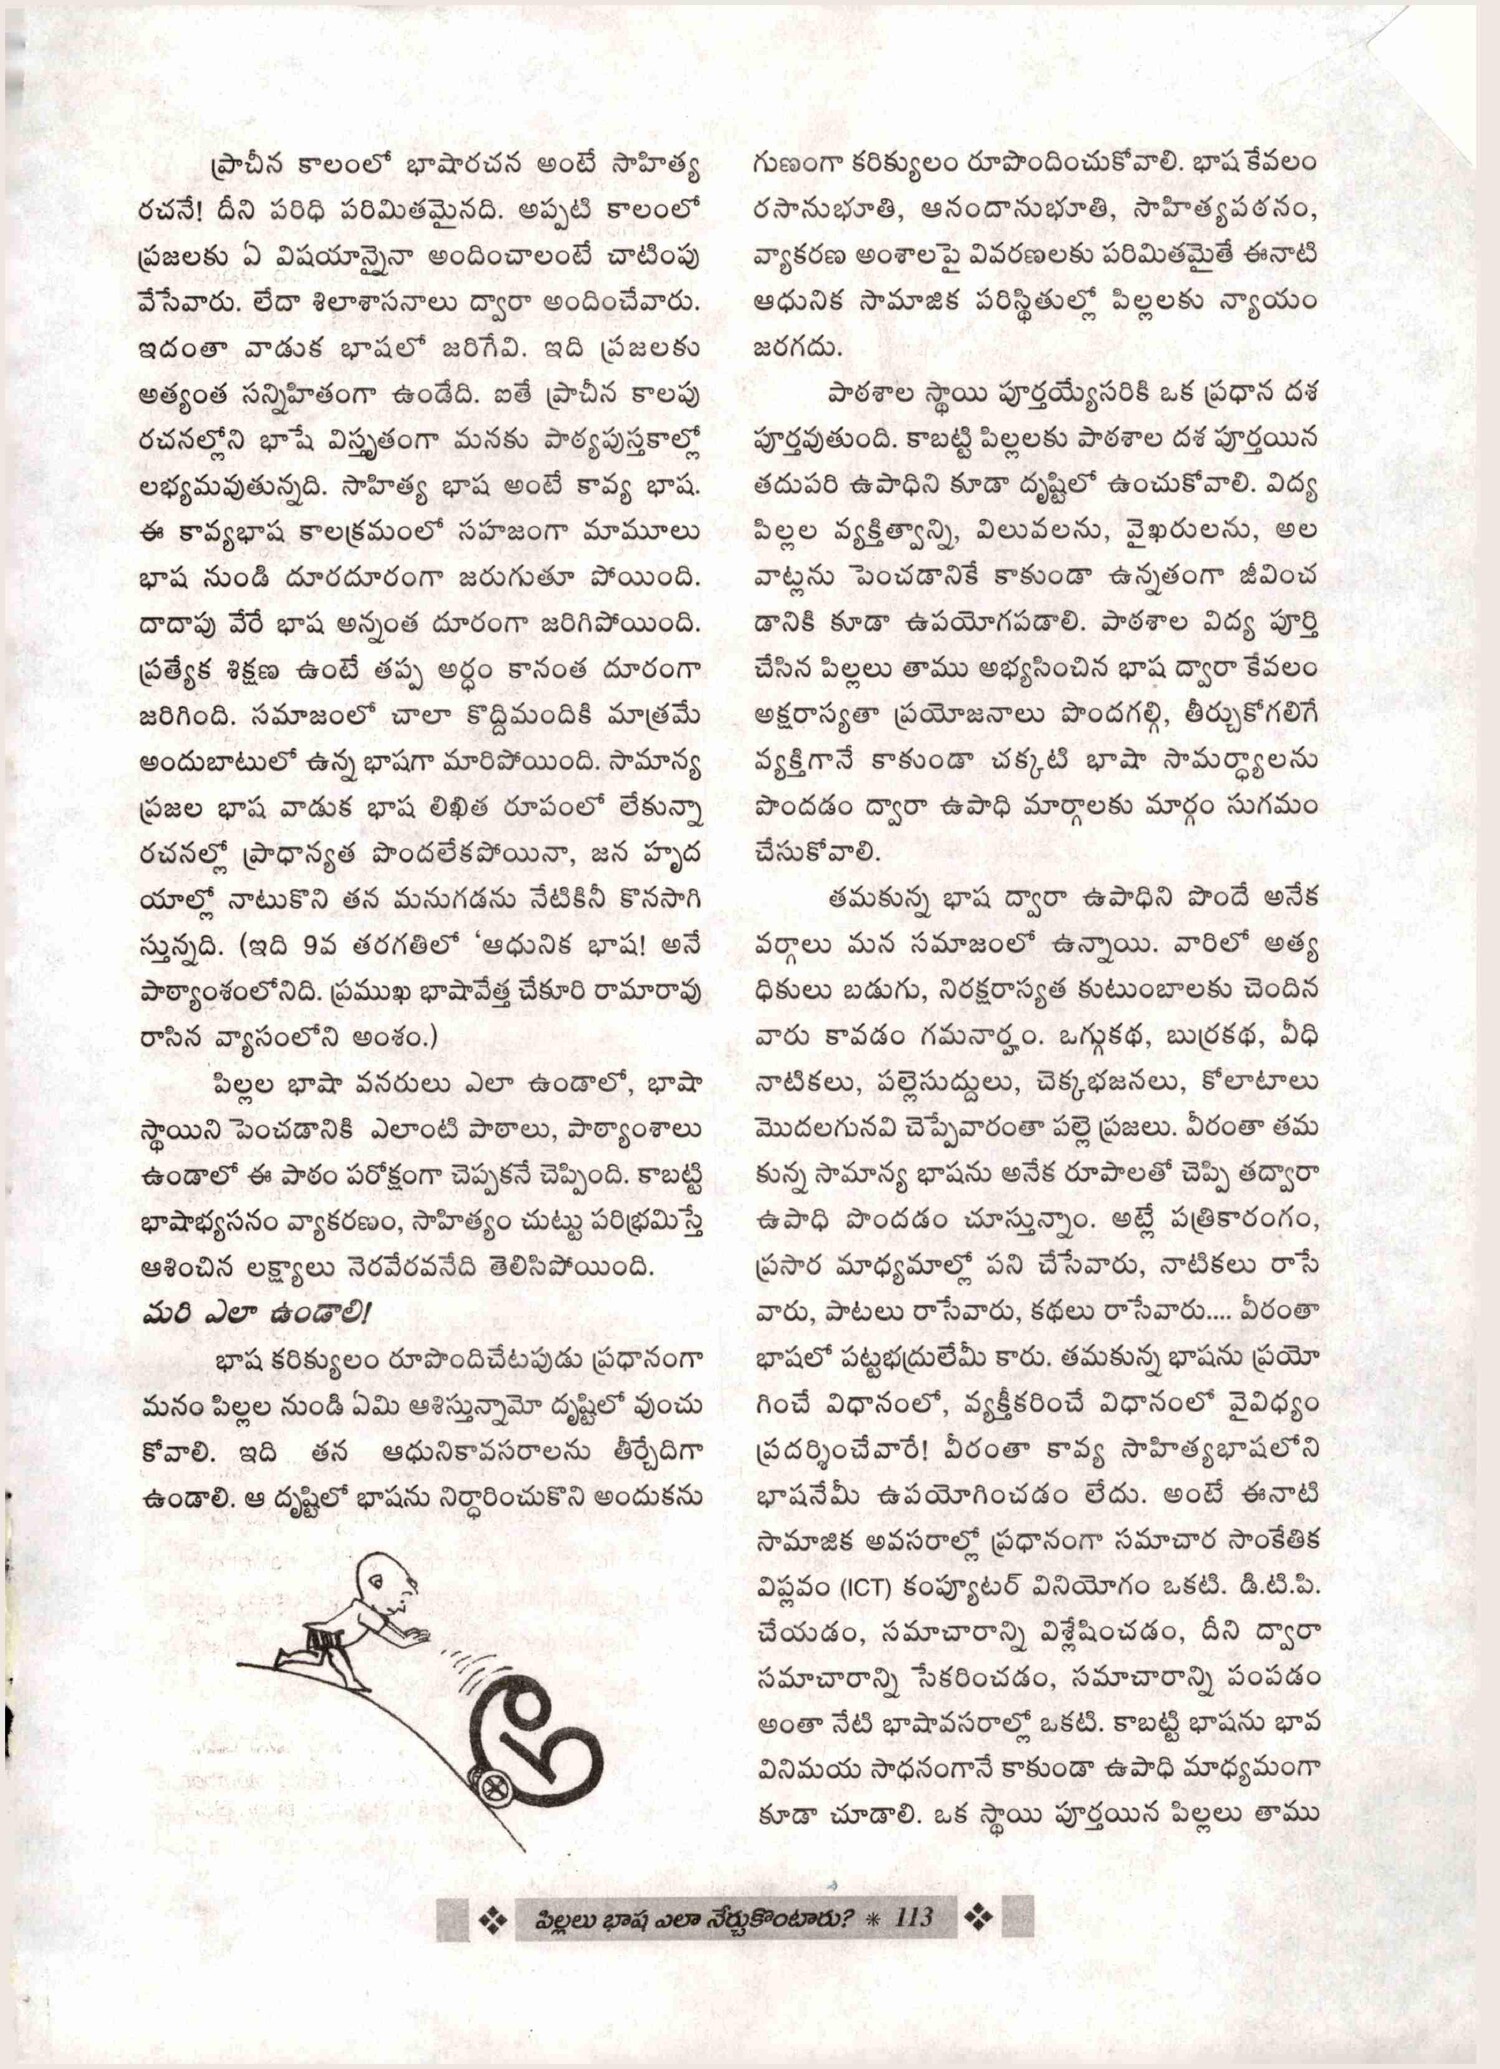ప్రాచీన కాలంలో భాషారచన అంటే సాహిత్య రచనే! దీని పరిధి పరిమితమైనది. అప్పటి కాలంలో ప్రజలకు ఏ విషయాన్నైనా అందించాలంటే చాటింపు వేసేవారు. లేదా శిలాశాసనాలు ద్వారా అందించేవారు. ఇదంతా వాడుక భాషలో జరిగేవి. ఇది ప్రజలకు అత్యంత సన్నిహితంగా ఉండేది. ఐతే ప్రాచీన కాలపు రచనల్లోని భాషే విస్తృతంగా మనకు పాఠ్యపుస్తకాల్లో లభ్యమవుతున్నది. సాహిత్య భాష అంటే కావ్య భాష. ఈ కావ్యభాష కాలక్రమంలో సహజంగా మామూలు భాష నుండి దూరదూరంగా జరుగుతూ పోయింది. దాదాపు వేరే భాష అన్నంత దూరంగా జరిగిపోయింది. ప్రత్యేక శిక్షణ ఉంటే తప్ప అర్ధం కానంత దూరంగా జరిగింది. సమాజంలో చాలా కొద్దిమందికి మాత్రమే అందుబాటులో ఉన్న భాషగా మారిపోయింది. సామాన్య ప్రజల భాష వాడుక భాష లిఖిత రూపంలో లేకున్నా రచనల్లో ప్రాధాన్యత పొందలేకపోయినా, జన హృదయాల్లో నాటుకొని తన మనుగడను నేటికినీ కొనసాగిస్తున్నది. (ఇది 9వ తరగతిలో 'ఆధునిక భాష! అనే పాఠ్యాంశంలోనిది. ప్రముఖ భాషావేత్త చేకూరి రామారావు రాసిన వ్యాసంలోని అంశం.)

పిల్లల భాషా వనరులు ఎలా ఉండాలో, భాషా స్థాయిని పెంచడానికి ఎలాంటి పాఠాలు, పాఠ్యాంశాలు ఉండాలో ఈ పాఠం పరోక్షంగా చెప్పకనే చెప్పింది. కాబట్టి భాషాభ్యసనం వ్యాకరణం, సాహిత్యం చుట్టు పరిభ్రమిస్తే ఆశించిన లక్ష్యాలు నెరవేరవనేది తెలిసిపోయింది.

మరి ఎలా ఉండాలి!

భాష కరిక్యులం రూపొందిచేటపుడు ప్రధానంగా మనం పిల్లల నుండి ఏమి ఆశిస్తున్నామో దృష్టిలో వుంచుకోవాలి. ఇది తన ఆధునికావసరాలను తీర్చేదిగా ఉండాలి. ఆ దృష్టిలో భాషను నిర్ధారించుకొని అందుకను

గుణంగా కరిక్యులం రూపొందించుకోవాలి. భాష కేవలం రసానుభూతి, ఆనందానుభూతి, సాహిత్యపఠనం, వ్యాకరణ అంశాల పై వివరణలకు పరిమితమైతే ఈనాటి ఆధునిక సామాజిక పరిస్థితుల్లో పిల్లలకు న్యాయం జరగదు.

పాఠశాల స్థాయి పూర్తయ్యేసరికి ఒక ప్రధాన దశ పూర్తవుతుంది. కాబట్టి పిల్లలకు పాఠశాల దశ పూర్తయిన తదుపరి ఉపాధిని కూడా దృష్టిలో ఉంచుకోవాలి. విద్య పిల్లల వ్యక్తిత్వాన్ని, విలువలను, వైఖరులను, అలవాట్లను పెంచడానికే కాకుండా ఉన్నతంగా జీవించడానికి కూడా ఉపయోగపడాలి. పాఠశాల విద్య పూర్తి చేసిన పిల్లలు తాము అభ్యసించిన భాష ద్వారా కేవలం అక్షరాస్యతా ప్రయోజనాలు పొందగల్గి, తీర్చుకోగలిగే వ్యక్తిగానే కాకుండా చక్కటి భాషా సామర్థ్యాలను పొందడం ద్వారా ఉపాధి మార్గాలకు మార్గం సుగమం చేసుకోవాలి.

తమకున్న భాష ద్వారా ఉపాధిని పొందే అనేక వర్గాలు మన సమాజంలో ఉన్నాయి. వారిలో అత్యధికులు బడుగు, నిరక్షరాస్యత కుటుంబాలకు చెందినవారు కావడం గమనార్హం. ఒగ్గుకథ, బుర్రకథ, వీధి నాటికలు, పల్లెసుద్దులు, చెక్కభజనలు, కోలాటాలు మొదలగునవి చెప్పేవారంతా పల్లె ప్రజలు. వీరంతా తమకున్న సామాన్య భాషను అనేక రూపాలతో చెప్పి తద్వారా ఉపాధి పొందడం చూస్తున్నాం. అట్లే పత్రికారంగం, ప్రసార మాధ్యమాల్లో పని చేసేవారు, నాటికలు రాసే వారు, పాటలు రాసేవారు, కథలు రాసేవారు.... వీరంతా భాషలో పట్టభద్రులేమీ కారు. తమకున్న భాషను ప్రయోగించే విధానంలో, వ్యక్తీకరించే విధానంలో వైవిధ్యం ప్రదర్శించేవారే! వీరంతా కావ్య సాహిత్యభాషలోని
భాషనేమీ ఉపయోగించడం లేదు. అంటే ఈనాటి సామాజిక అవసరాల్లో ప్రధానంగా సమాచార సాంకేతిక విప్లవం (ICT) కంప్యూటర్ వినియోగం ఒకటి. డి.టి.పి. చేయడం, సమాచారాన్ని విశ్లేషించడం, దీని ద్వారా సమాచారాన్ని సేకరించడం, సమాచారాన్ని పంపడం అంతా నేటి భాషావసరాల్లో ఒకటి. కాబట్టి భాషను భావ వినిమయ సాధనంగానే కాకుండా ఉపాధి మాధ్యమంగా కూడా చూడాలి. ఒక స్థాయి పూర్తయిన పిల్లలు తాము